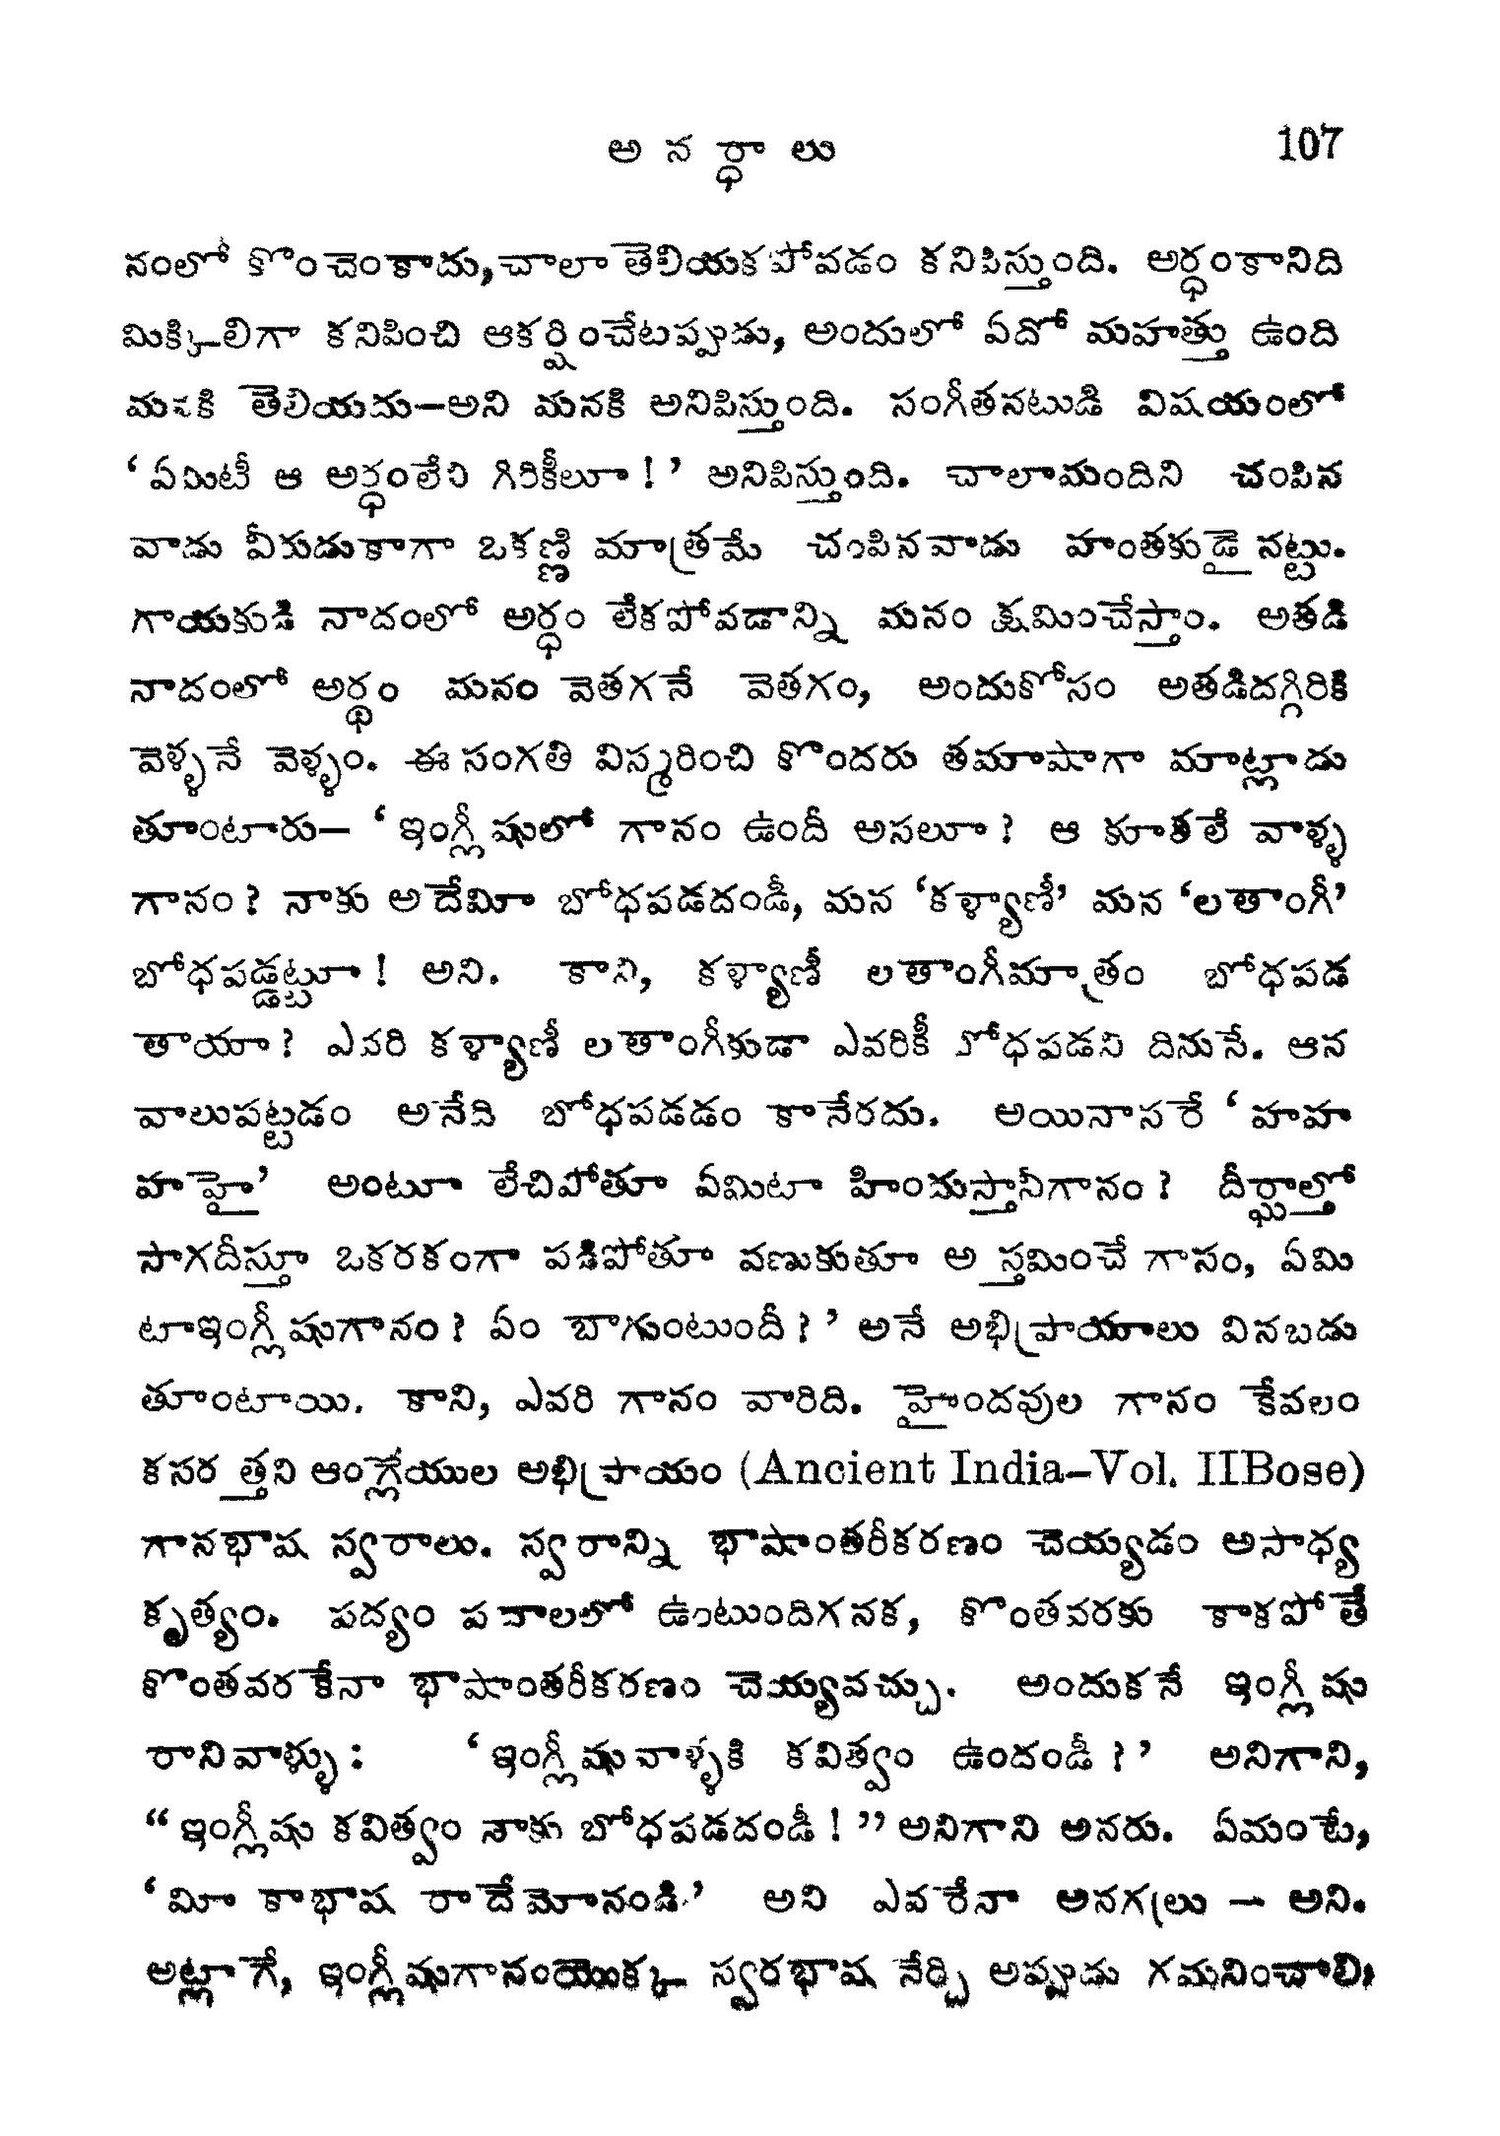నంలో కొంచెంకాదు, చాలాతెలియకపోవడం కనిపిస్తుంది. అర్థంకానిది
మిక్కిలిగా కనిపించి ఆకర్షించేటప్పుడు, అందులో ఏదో మహత్తు ఉంది
మనకి తెలియదు—అని మనకి అనిపిస్తుంది. సంగీతనటుడి విషయంలో
'ఏమిటీ ఆ అర్ధంలేని గిరికీలూ ! ' అనిపిస్తుంది. చాలామందిని చంపిన
వాడు వీరుడుకాగా ఒకణ్ణి మాత్రమే చంపినవాడు హంతకుడైనట్టు.
గాయకుడి నాదంలో అర్ధం లేకపోవడాన్ని మనం క్షమించేస్తాం. అతడి
నాదంలో అర్థం మనం వెతగనే వెతగం, అందుకోసం అతడిదగ్గిరికి
వెళ్ళనే వెళ్ళం. ఈ సంగతి విస్మరించి కొందరు తమాషాగా మాట్లాడు
తూంటారు – 'ఇంగ్లీషులో గానం ఉందీ అసలూ ? ఆ కూతలే వాళ్ళ
గానం? నాకు అదేమీ బోధపడదండీ, మన 'కళ్యాణీ' మన 'లతాంగీ'
బోధపడ్డట్టూ! అని. కాని, కళ్యాణీ లతాంగీమాత్రం బోధపడ
తాయా? ఎవరి కళ్యాణీ లతాంగీకుడా ఎవరికీ బోధపడని దినుసే. ఆన
వాలుపట్టడం అనేది బోధపడడం కానేరదు. అయినాసరే 'హహ
హహై' అంటూ లేచిపోతూ ఏమిటా హిందుస్తానీగానం ? దీర్ఘాల్తో
సాగదీస్తూ ఒకరకంగా పడిపోతూ వణుకుతూ అస్తమించే గానం, ఏమి
టాఇంగ్లీషుగానం ? ఏం బాగుంటుందీ?' అనే అభిప్రాయాలు వినబడు
తూంటాయి. కాని, ఎవరి గానం వారిది. హైందవుల గానం కేవలం
కసరత్తని ఆంగ్లేయుల అభిప్రాయం (Ancient India-Vol. IIBose)
గాన భాష స్వరాలు. స్వరాన్ని భాషాంతరీకరణం చెయ్యడం అసాధ్య
కృత్యం. పద్యం పదాలలో ఉంటుందిగనక, కొంతవరకు కాకపోతే
కొంతవరకేనా భాషాంతరీకరణం చెయ్యవచ్చు. అందుకనే ఇంగ్లీషు
రానివాళ్ళు : 'ఇంగ్లీషువాళ్ళకి కవిత్వం ఉందండీ?' అనిగాని,
"ఇంగ్లీషు కవిత్వం నాకు బోధపడదండీ !" అనిగాని అనరు. ఏమంటే,
'మీ కాభాష రాదేమోనండి' అని ఎవరేనా అనగల్రు - అని.
అట్లాగే, ఇంగ్లీషుగానంయొక్క స్వరభాష నేర్చి అప్పుడు గమనించాలి.